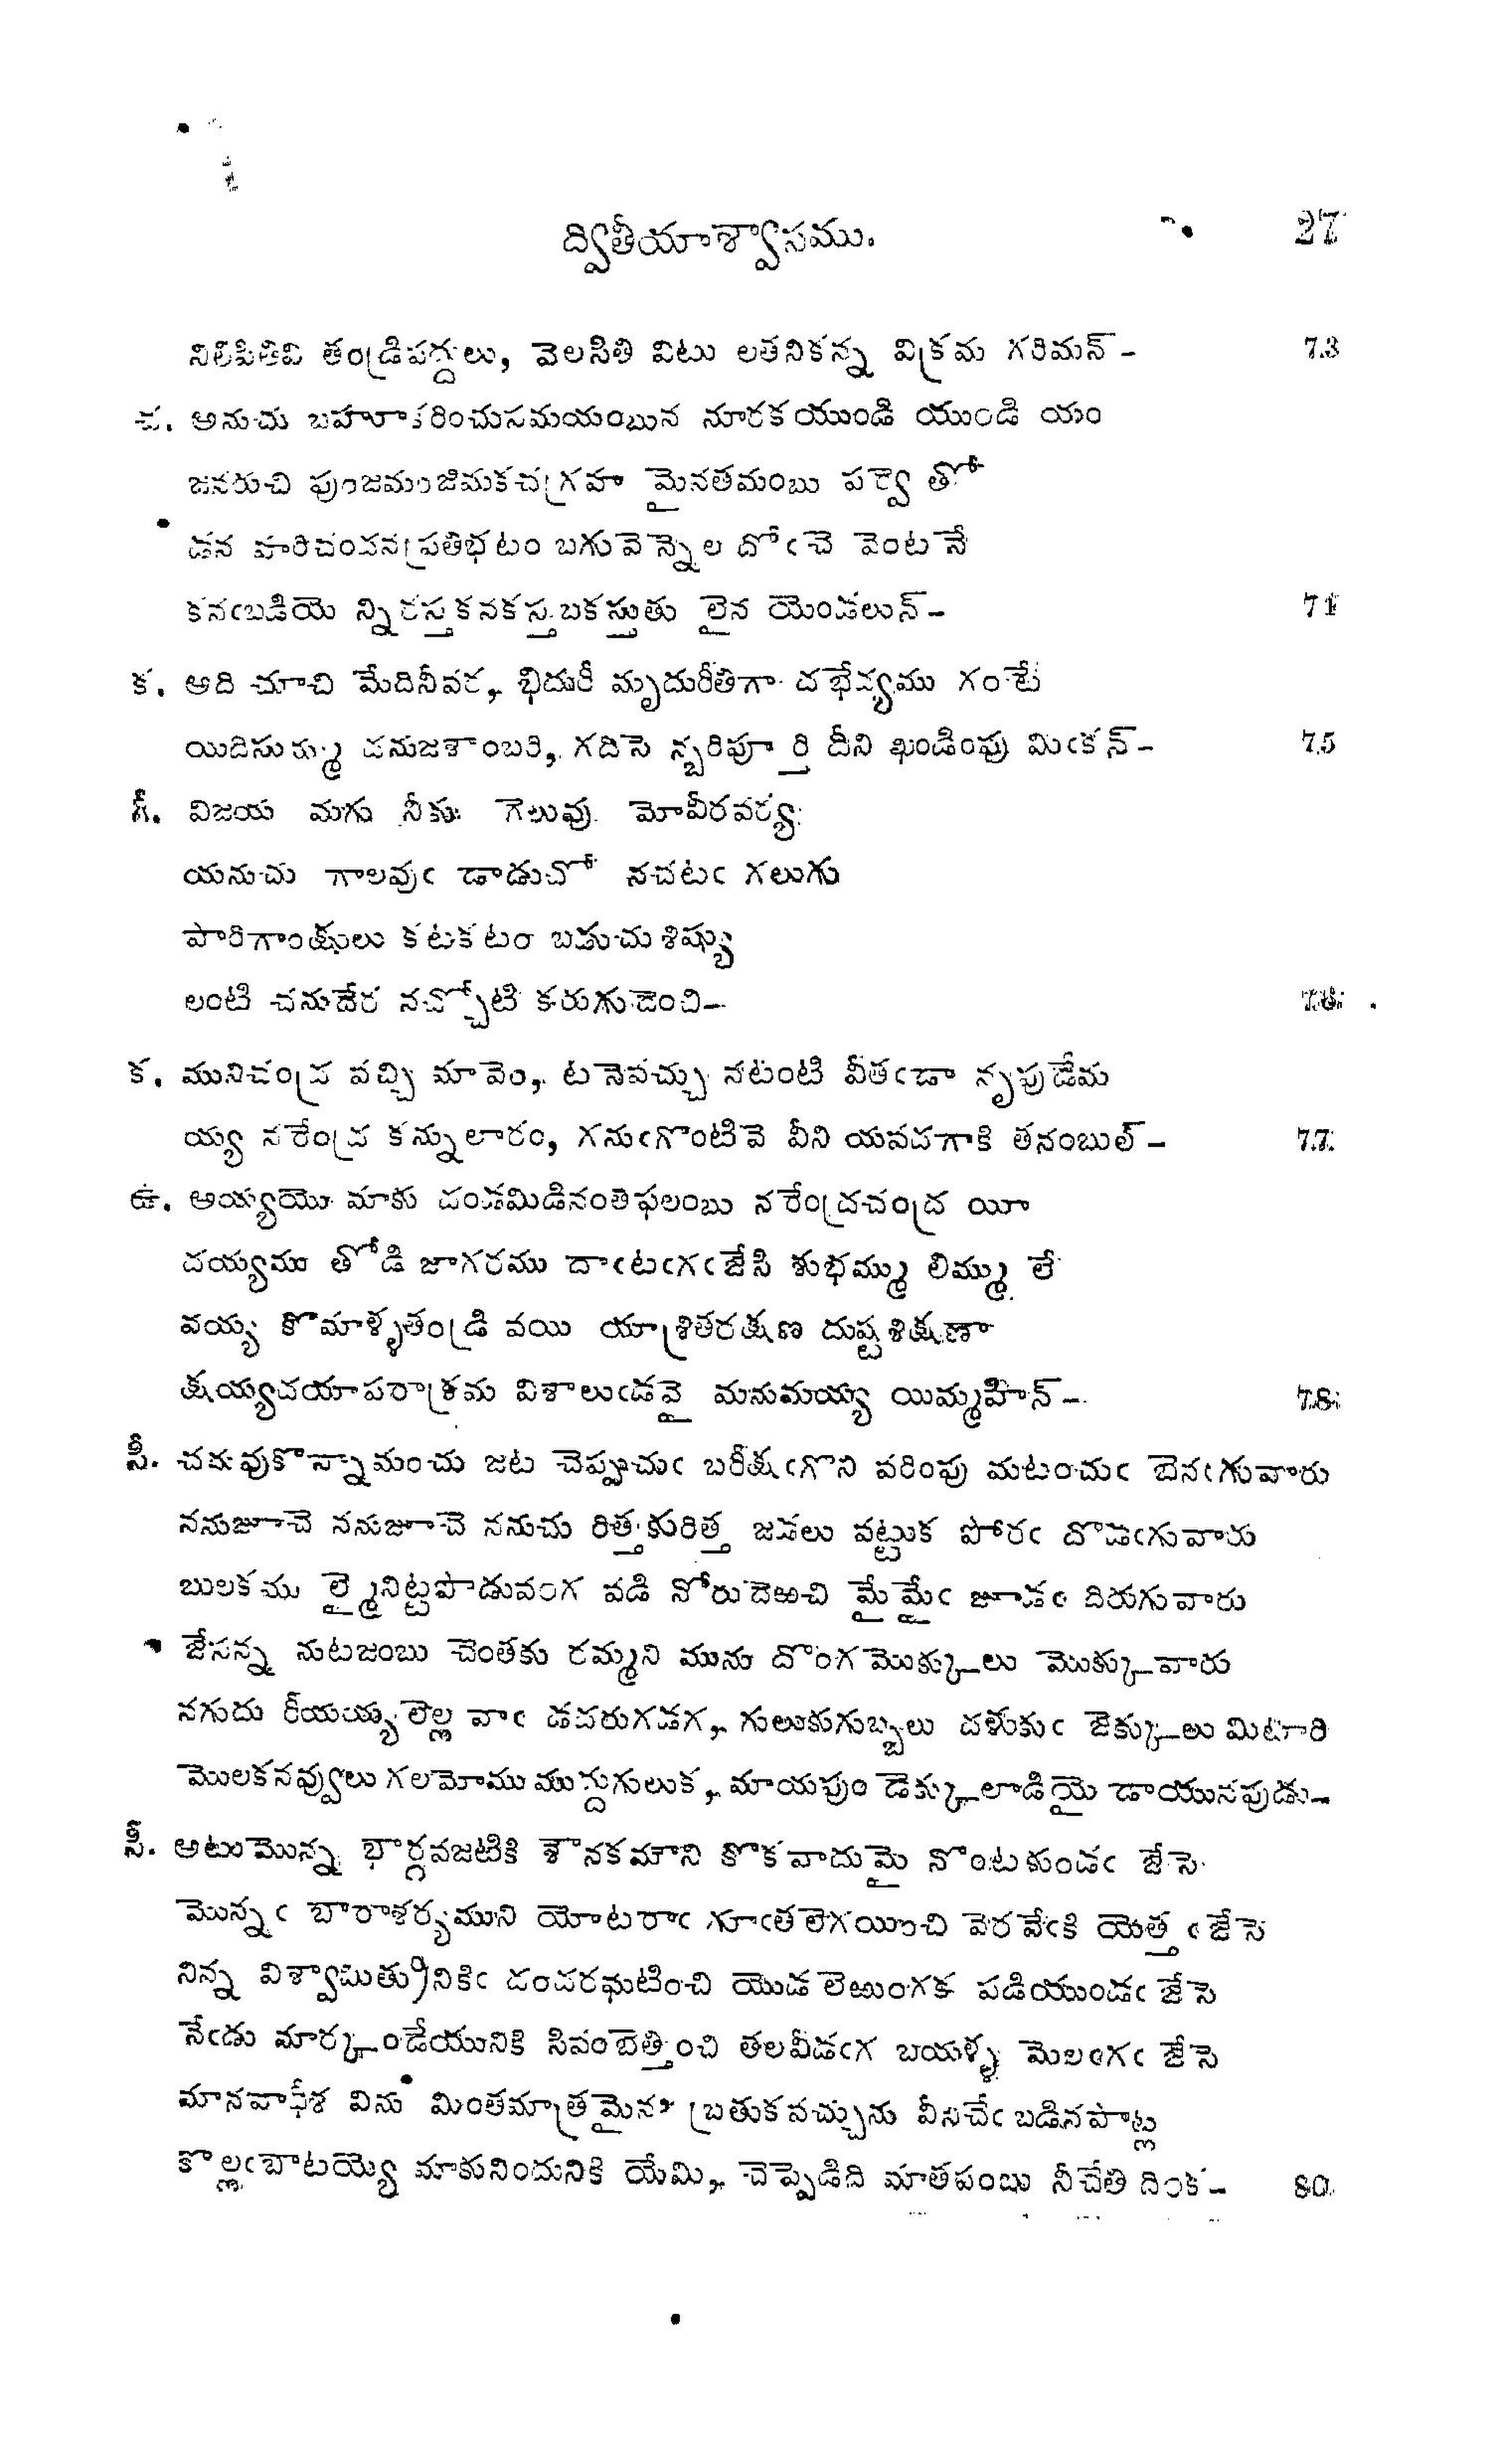నిలిపితివి తండ్రిపద్దులు, వెలసితి విటు లతనికన్న విక్రమగరిమన్
చ. అనుచు బహూకరించుసమయంబున నూరకయుండి యుండి యం
జనరుచి పుంజమంజిమకచగ్రహ మైనతమంబు పర్వె తో
డన హరిచందనప్రతిభటం బగువెన్నెల దోఁచె వెంటనే
కనఁబడియె న్నిరస్తకనకస్తబకస్తుతు లైనయెండలున్.
క. అది చూచి మేదినీవర, భిదురీ మృదురీతి గా దభేద్యము గంటే
యిదిసుమ్ము దనుజశాంబరి, గదిసె న్బరిపూర్తి దీని ఖండింపు మిఁకన్.
గీ. విజయ మగు నీకు గెలువు మోవీరవర్య, యనుచు గాలవుఁ డాడుచో నచటఁ గలుగు
పారిగాంక్షులు కటకటం బడుచు శిష్యు, లంటి చనుదేర నచ్చోటి కరుగుదెంచి.
క. మునిచంద్ర వచ్చి మావెం, టనె వచ్చునటంటి వీతఁడా నృపుఁ డేమ
య్య నరేంద్ర కన్నులారం, గనుఁగొంటివే వీని యవదగాకితనంబుల్.
ఉ. అయ్యయొ మాకు దండమిడినంత ఫలంబు నరేంద్రచంద్ర యీ
దయ్యముతోడి జాగరము దాఁటఁగఁ జేసి శుభమ్ము లిమ్ము లే
వయ్య కొమాళ్ళతండ్రి వయి యాశ్రితరక్షణ దుష్టశిక్షణా
క్షయ్యదయాపరాక్రమవిశాలుఁడవై మనుమయ్య యిమ్మహిన్.
సీ. చదువుకొన్నామంచు జట చెప్పుచుఁ బరీక్షఁ గొని వరింపు మటంచుఁ బెనఁగువారు
ననుజూచె ననుజూచె ననుచు రిత్తకురిత్త జవలు వట్టుక పోరఁ దొడఁగువారు
బులకము ల్మైనిట్టపొడువంగ వడి నోరు దెఱచి మైమైఁ జూడఁ దిరుగువారు
జేసన్న మటజంబుచెంతకు రమ్మని మునుదొంగమొక్కులు మొక్కువారు
నగుదు రీయయ్యలెల్ల వాఁ డదరుగడగ, గులుకుగుబ్బలు దళుకుఁజెక్కులు మిటారి
మొలకనవ్వులు గలమోము ముద్దుగులుక, మాయపుం డెక్కులాడియై డాయునపుడు.
సీ. అటు మొన్న భార్గవజటికి శౌనకమౌని కొకవాదుమై నొంటకుండఁ జే సె
మొన్నఁ బారాశర్యముని యోటరాఁ గూఁత లెగయించి వెరవేఁకి యెత్తఁ జేసె
నిన్న విశ్వామిత్రునికిఁ దందరఘటించి యొడ లెఱుంగక పడియుండఁ జేసె
నేఁడు మార్కండేయునికి సివం బెత్తించి తల వీడఁగ బయళ్ళ మెలఁగఁ జేసె
మానవాధీశ విను మింతమాత్రమైన బ్రతుకవచ్చును వీనిచేఁ బడినపాట్ల
కొల్లఁబాటయ్యె మాకునిందునికి యేమి, చెప్పెడిది మాతపంబు నీ చేతి దింక.